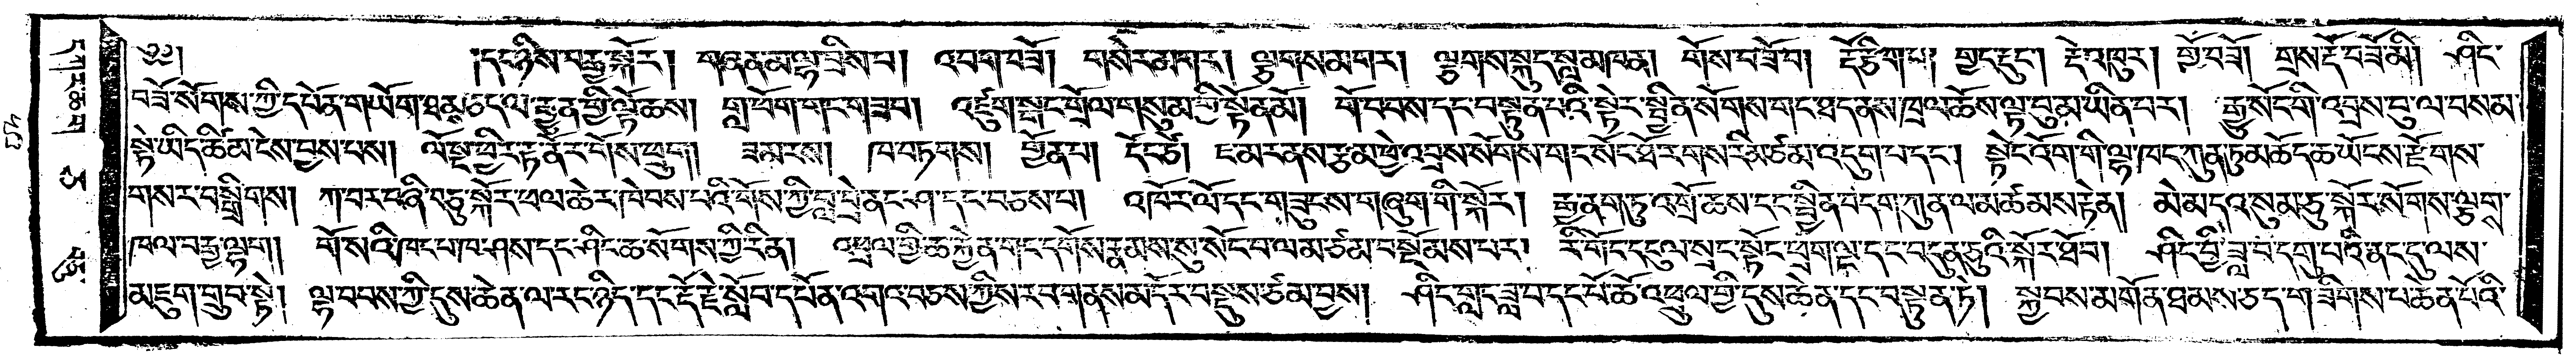༄༅། །དང་ཉིས་བརྒྱ་སྐོར། གཞན་མ་ལྷ་བྲིས་པ། འབག་བཟོ། གསེར་མགར། ལྕགས་མགར། ལྕགས་སྐུད་སླ་མཁན། གོས་བཟོ་བ། རྡོ་རྩིག་པ། གྱང་རྡུང་། རྡོ་འཁུར། གྱོ་བཟོ། གྲས་རྡོ་བཟོ་མི། ཤིང་
བཟོ་སོགས་ཀྱི་དབོན་གཡོག་ཐམས་ཅད་ལ་རྒྱུན་གྱི་ལྟོ་ཆས། གླ་ཕོག་གང་གཟབ། འཛུག་སྒང་གྲོལ་གསུམ་གྱི་སྟོན་མོ། གོ་བབས་དང་བསྟུན་བའི་སྟེར་སྦྱིན་སོགས་གང་ཐད་ནས་ཁྲལ་ཆོས་ལྟ་བུ་མ་ཡིན་པར། རྒྱུ་སོང་གི་འབྲས་བུ་ལ་བསམ་
སྟེ་ཡིད་ཚིམ་ངེས་བྱས་པས། ལོ་སྔ་ཕྱིར་རྟ་ནོར་གོས་ཕྲུག། ཟམ་རས། ཁ་བཏགས། གྱོན་པ། དོང་ཙེ། ཇ་མར་ནས་རྩམ་ཕྱེ་འབྲས་སོགས་གང་སོང་ཐོ་རགས་རིམ་ཙམ་འདུག་པ་དང་། སྟེང་འོག་གི་ལྷ་ཁང་ཀུན་ཏུ་མཆོད་ཆ་ཡོངས་རྫོགས་
གསར་བསྒྲིགས། ཀ་བར་བཞི་བཅུ་སྐོར་ཕལ་ཆེར་ཁེབས་པའི་གོས་ཀྱི་བླ་བྲེ་ནང་ཤ་དང་བཅས་བ། འཁོར་ལོ་དང་གཟུངས་གཞུགས་གི་སྐོར། རྒྱ་ནག་ཏུ་འགྲོ་ཆས་དང་སྦྱིན་བདག་ཀུན་ལ་མཚམས་རྟེན། མེ་མདའ་སུམ་ཅུ་སྐོར་སོགས་ལྕགས་
ཁལ་བརྒྱ་ལྷག། གོ་སའི་ཁང་པ་ཁ་ཤས་དང་ཤིང་ཆ་སོགས་ཀྱི་རིན། འཕྲལ་གྱི་ཆ་རྐྱེན་གང་དགོས་རྣམས་སུ་སོང་བ་ལམ་ཙམ་བསྔོམས་པར། རི་གོང་དངུལ་སྲང་སྟོང་ཕྲག་ལྔ་དང་བདུན་ཅུའི་སྐོར་ཐོབ། ཤིང་བྱི་ཟླ་བ་དགུ་བའི་ནང་དུ་ལས་
མཇུག་གྲུབ་སྟེ། ལྷ་བབས་ཀྱི་དུས་ཆེན་ལ་རང་ཉིད་དང་རྡོ་རྗེ་སློབ་དཔོན་འགའ་བཅས་ཀྱིས་རབ་གནས་མདོར་བསྡུས་ཙམ་བྱས། ཤིང་གླང་ཟླ་བ་དང་པོ་ཆོ་འཕྲུལ་གྱི་དུས་ཆེན་དང་བསྟུན་ཏེ། སྐྱབས་མགོན་ཐམས་ཅད་གཟིགས་པ་ཆེན་པོའི་